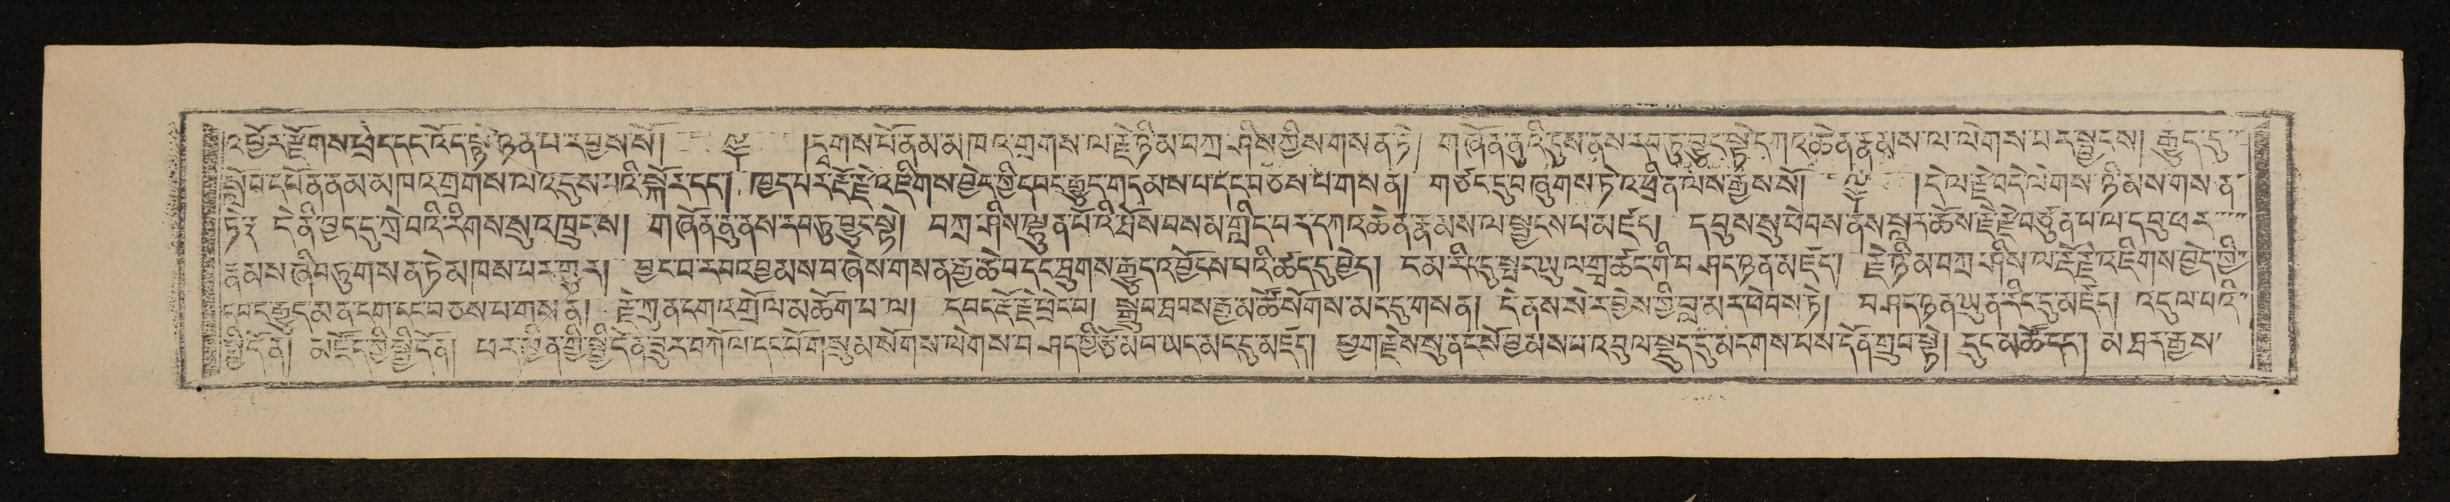འབྱོར་རྫོགས་ཕྲེང་དང་འོད་སྙེ་ཉན་བར་བྱས་སོ། ༈ །དྭགས་པོ་ནམ་མཁའ་གྲགས་ལ་རྗེ་ཉི་མ་བཀྲ་ཤིས་ཀྱིས་གསན་ཏེ། གཞོན་ནུའི་དུས་ནས་རབ་ཏུ་བྱུང་སྟེ་དཀའ་ཆེན་རྣམས་ལ་ལེགས་པར་སྦྱངས། རྒྱུད་དུ་
སློབ་དཔོན་ནམ་མཁའ་གྲགས་ལ་འདུས་པའི་སྐོར་དང་། ཁྱད་པར་རྡོ་རྗེ་འཇིགས་བྱེད་ཀྱི་དབང་རྒྱུད་གདམས་པ་དང་བཅས་པ་གསན། གཙང་དུ་བཞུགས་ཏེ་འཕྲིན་ལས་རྒྱས་སོ། ༈ །དེ་ལ་རྗེ་བདེ་ལེགས་ཉི་མས་གསན་
ཏེ༑ དེ་ནི་བྱང་དུ་ཀྲེ་བའི་རིགས་སུ་འཁྲུངས། གཞོན་ནུ་ནས་རབ་ཏུ་བྱུང་སྟེ། བཀྲ་ཤིས་ལྷུན་པོའི་ཐོས་བསམ་གླིང་བར་དཀའ་ཆེན་རྣམས་ལ་སྦྱངས་པ་མཛད། དབུས་སུ་ཕེབས་ནས་སླར་ཆོས་རྗེ་རྗེ་བཙུན་པ་ལ་དབུ་ཕར་
རྣམས་ཞིབ་ཏུ་གསན་ཏེ་མཁས་པར་གྱུར། བྱང་བ་རབ་འབྱམས་པ་ཞེས་གསན་རྒྱ་ཆེ་བ་དང་ཐུགས་རྒྱུད་འབྱོངས་པའི་ཚད་དུ་བྱེད། ངམ་རིང་དུ་སྤང་ཡུལ་གྲྭ་ཚང་གི་བཤད་ཉན་མཛད། རྗེ་ཉི་མ་བཀྲ་ཤིས་ལ་རྡོ་རྗེ་འཇིགས་བྱེད་ཀྱི་
དབང་རྒྱུད་མན་ངག་དང་བཅས་པ་གསན། རྗེ་ཀུན་དགའ་གྲོལ་མཆོག་པ་ལ། དབང་རྡོ་རྗེ་ཕྲེང་བ། སྒྲུབ་ཐབས་རྒྱ་མཚོ་སོགས་མང་དུ་གསན། དེ་ནས་སེ་ར་བྱེས་ཀྱི་བླ་མར་ཕེབས་ཏེ། བཤད་ཉན་ཡུན་རིང་དུ་མཛད། འདུལ་བའི་
སྤྱི་དོན། མཛོད་ཀྱི་སྤྱི་དོན། ཕར་ཕྱིན་གྱི་སྤྱི་དོན་ཟུར་བཀོལ་དང་པོ་གསུམ་སོགས་ལེགས་བཤད་ཀྱི་རྩོམ་པ་ཡང་མང་དུ་མཛད། ཕྱག་རྗེས་སུ་ནང་སོ་བྱམས་པ་འབུལ་སྡུད་དུ་མངགས་པས་དོན་གྲུབ་སྟེ། དུང་མཚོ་དང་། མཐར་རྒྱས་